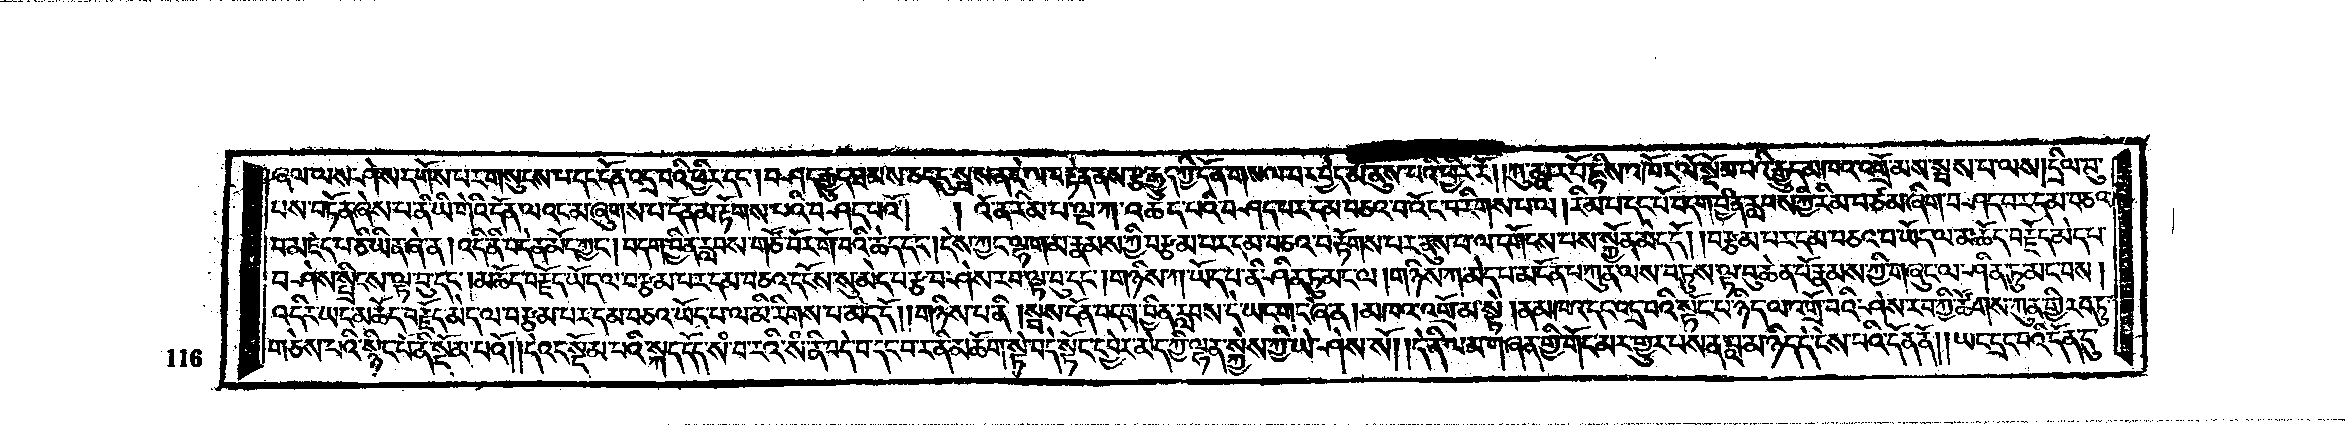ཞལ་ལས་ཤེས་དགོས་པར་གསུངས་པ་དང་དོན་འདྲ་བའི་ཕྱིར་དང་། བཤད་རྒྱུད་ཐམས་ཅད་དུ་སྦས་ན་དེ་ལ་བརྟེན་ནས་རྩ་རྒྱུད་ཀྱི་དོན་གསལ་བར་བྱེད་མི་ནུས་པའི་ཕྱིར་རོ། །ཀུ་མཱ་ར་བོ་དྷིས་འཁོར་ལོ་སྡོམ་པའི་རྒྱུད་མཁའ་འགྲོ་མས་སྦས་པ་ལས། དྲིལ་བུ་
པས་བཏོན་ཞེས་པ་ནི་ཡི་གེའི་དོན་ལའང་མ་ཞུགས་པ་དོན་མ་རྟོགས་པའི་བཤད་པའོ། །འོ་ན་རིམ་པ་ལྔ་ཀ་འཆད་པའི་བཤད་པར་དམ་བཅའ་བ་འོང་བ་རིགས་པ་ལ། རིམ་པ་དང་པོ་བདག་བྱིན་རླབས་ཀྱི་རིམ་པ་ཙམ་ཞིག་བཤད་པར་དམ་བཅའ་
བ་མཛད་པ་ཅི་ཡིན་ཞེ་ན། འདི་ནི་བདེན་མོད་ཀྱང་། བདག་བྱིན་རླབས་གཙོ་བོར་གོ་བའི་ཆེད་དང་། དེས་ཀྱང་ལྷག་མ་རྣམས་ཀྱི་བརྩམ་པར་དམ་བཅའ་བ་རྟོགས་པར་ནུས་པ་ལ་དགོངས་པས་སྐྱོན་མེད་དོ། །བརྩམ་པར་དམ་བཅའ་བ་ཡོད་ལ་མཆོད་བརྗོད་མེད་པ་
བཤེས་སྤྲིངས་ལྟ་བུ་དང་། མཆོད་བརྗོད་ཡོད་ལ་བརྩམ་པར་དམ་བཅའ་དངོས་སུ་མེད་པ་རྩ་བ་ཤེས་རབ་ལྟ་བུ་དང་། གཉིས་ཀ་ཡོད་པ་ནི་ཤིན་ཏུ་མང་ལ། གཉིས་ཀ་མེད་པ་མངོན་པ་ཀུན་ལས་བཏུས་ལྟ་བུ་ཆེན་པོ་རྣམས་ཀྱི་གཞུང་ལ་ཤིན་ཏུ་མང་བས།
འདིར་ཡང་མཆོད་བརྗོད་མེད་ལ་བརྩམ་པར་དམ་བཅའ་ཡོད་པ་ལ་མི་རིགས་པ་མེད་དོ། །གཉིས་པ་ནི། སྦས་དོན་བདག་བྱིན་རླབས་དེ་ཡང་གང་ཞེ་ན། མཁའ་འགྲོ་མ་སྟེ་།ནམ་མཁའ་དང་འདྲ་བའི་སྟོང་པ་ཉིད་ལ་འགྲོ་བའི་ཤེས་རབ་ཀྱི་ཚོགས་ཀུན་གྱི་རབ་ཏུ་
གཅེས་པའི་སྙིང་པོ་ནི་སྡོམ་པའོ། །དེའང་སྡོམ་པའི་སྐད་དོད་སཾ་བ་རའི་སཾ་ནི་བདེ་བ་དང་བ་ར་ནི་མཆོག་སྟེ་བདེ་སྟོང་དབྱེར་མེད་ཀྱི་ལྷན་སྐྱེས་ཀྱི་ཡེ་ཤེས་སོ། །དེ་ནི་ལམ་གཞན་གྱི་གོང་མར་གྱུར་པས་ན་བླ་མ་ཉིད་དེ་ངེས་པའི་དོན་ནོ། །ཡང་དྲང་བའི་དོན་དུ་